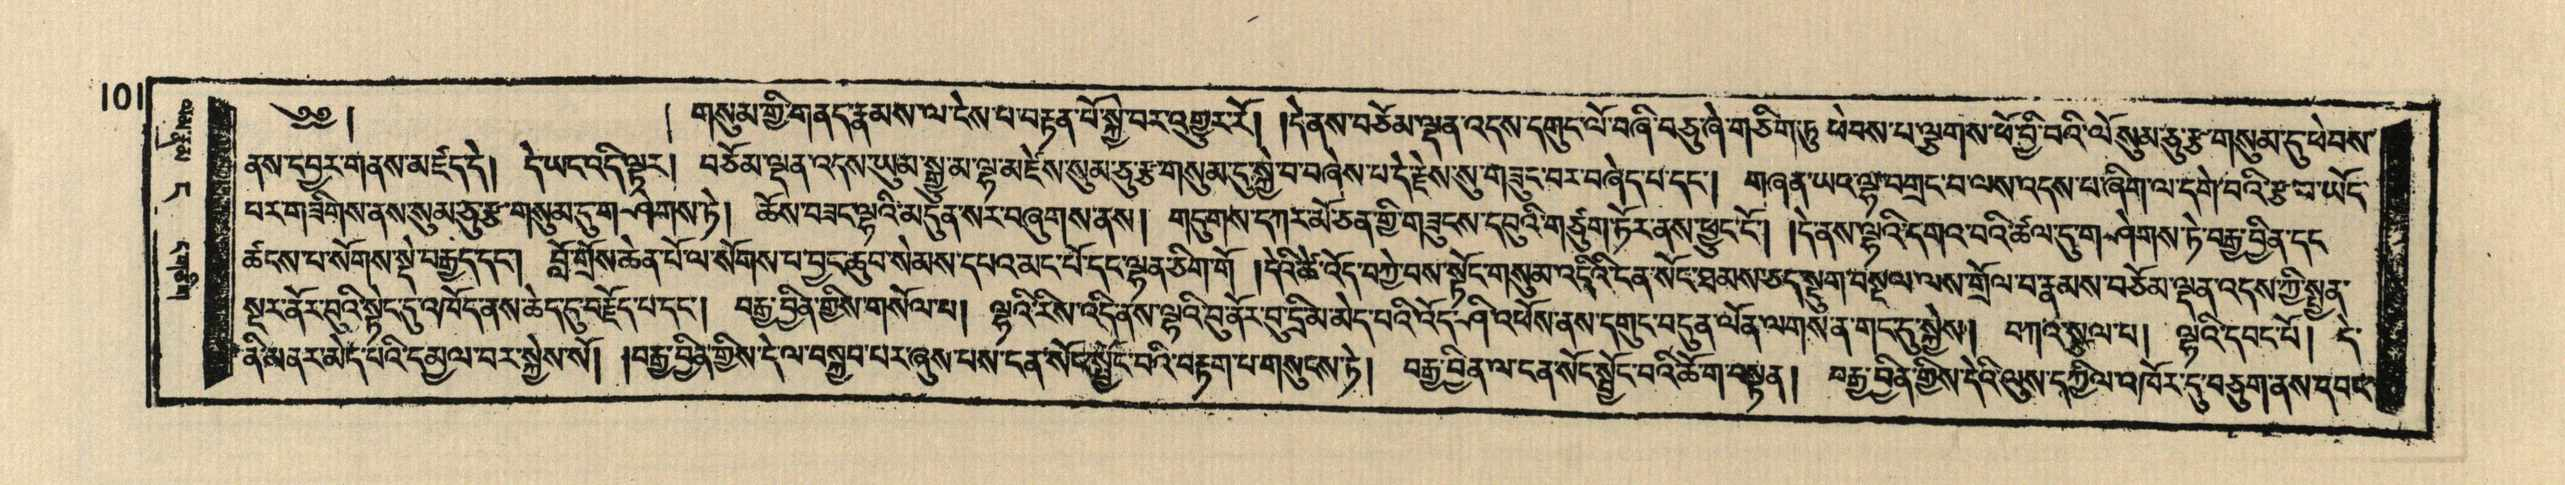༄༅། །གསུམ་གྱི་གནད་རྣམས་ལ་ངེས་པ་བརྟན་པོ་སྐྱེ་བར་འགྱུར་རོ། །དེ་ནས་བཅོམ་ལྡན་འདས་དགུང་ལོ་བཞི་བཅུ་ཞེ་གཅིག་ཏུ་ཕེབས་པ་ལྕགས་ཕོ་བྱི་བའི་ལོ་སུམ་ཅུ་རྩ་གསུམ་དུ་ཕེབས་
ནས་དབྱར་གནས་མཛད་དེ། དེ་ཡང་འདི་ལྟར། བཅོམ་ལྡན་འདས་ཡུམ་སྒྱུ་མ་ལྷ་མཛེས་སུམ་ཅུ་རྩ་གསུམ་དུ་སྐྱེ་བ་བཞེས་པ་དེ་རྗེས་སུ་གཟུང་བར་བཞེད་པ་དང་། གཞན་ཡང་ལྷ་བགྲང་བ་ལས་འདས་པ་ཞིག་ལ་དགེ་བའི་རྩ་བ་ཡོད་
པར་གཟིགས་ནས་སུམ་ཅུ་རྩ་གསུམ་དུ་གཤེགས་ཏེ། ཆོས་བཟང་ལྷའི་མདུན་སར་བཞུགས་ནས། གདུགས་དཀར་མོ་ཅན་གྱི་གཟུངས་དབུའི་གཙུག་ཏོར་ནས་ཕྱུང་ངོ། །དེ་ནས་ལྷའི་དགའ་བའི་ཚལ་དུ་གཤེགས་ཏེ་བརྒྱ་བྱིན་དང་
ཚངས་པ་སོགས་སྡེ་བརྒྱད་དང་། བློ་གྲོས་ཆེན་པོ་ལ་སོགས་པ་བྱང་ཆུབ་སེམས་དཔའ་མང་པོ་དང་ལྷན་ཅིག་གོ །དེའི་ཚེ་འོད་བཀྱེ་བས་སྟོང་གསུམ་འདིའི་ངན་སོང་ཐམས་ཅད་སྡུག་བསྔལ་ལས་གྲོལ་བ་རྣམས་བཅོམ་ལྡན་འདས་ཀྱི་སྤྱན་
སྔར་ནོར་བུའི་སྟེང་དུ་འཁོད་ནས་ཆེད་དུ་བརྗོད་པ་དང་། བརྒྱ་བྱིན་གྱིས་གསོལ་པ། ལྷའི་རིས་འདི་ནས་ལྷའི་བུ་ནོར་བུ་དྲི་མ་མེད་པའི་འོད་ཤི་འཕོས་ནས་དགུང་བདུན་ལོན་ལགས་ན་གང་དུ་སྐྱེས། བཀའ་སྩལ་པ། ལྷའི་དབང་པོ། དེ་
ནི་མནར་མེད་པའི་དམྱལ་བར་སྐྱེས་སོ། །བརྒྱ་བྱིན་གྱིས་དེ་ལ་བསྐྱབ་པར་ཞུས་པས་ངན་སོང་སྤྱོད་བའི་བརྟག་པ་གསུངས་ཏེ། བརྒྱ་བྱིན་ལ་ངན་སོང་སྦྱོང་བའི་ཆོ་ག་བསྟན། བརྒྱ་བྱིན་གྱིས་དེའི་ལུས་དཀྱིལ་འཁོར་དུ་བཅུག་ནས་དབང་